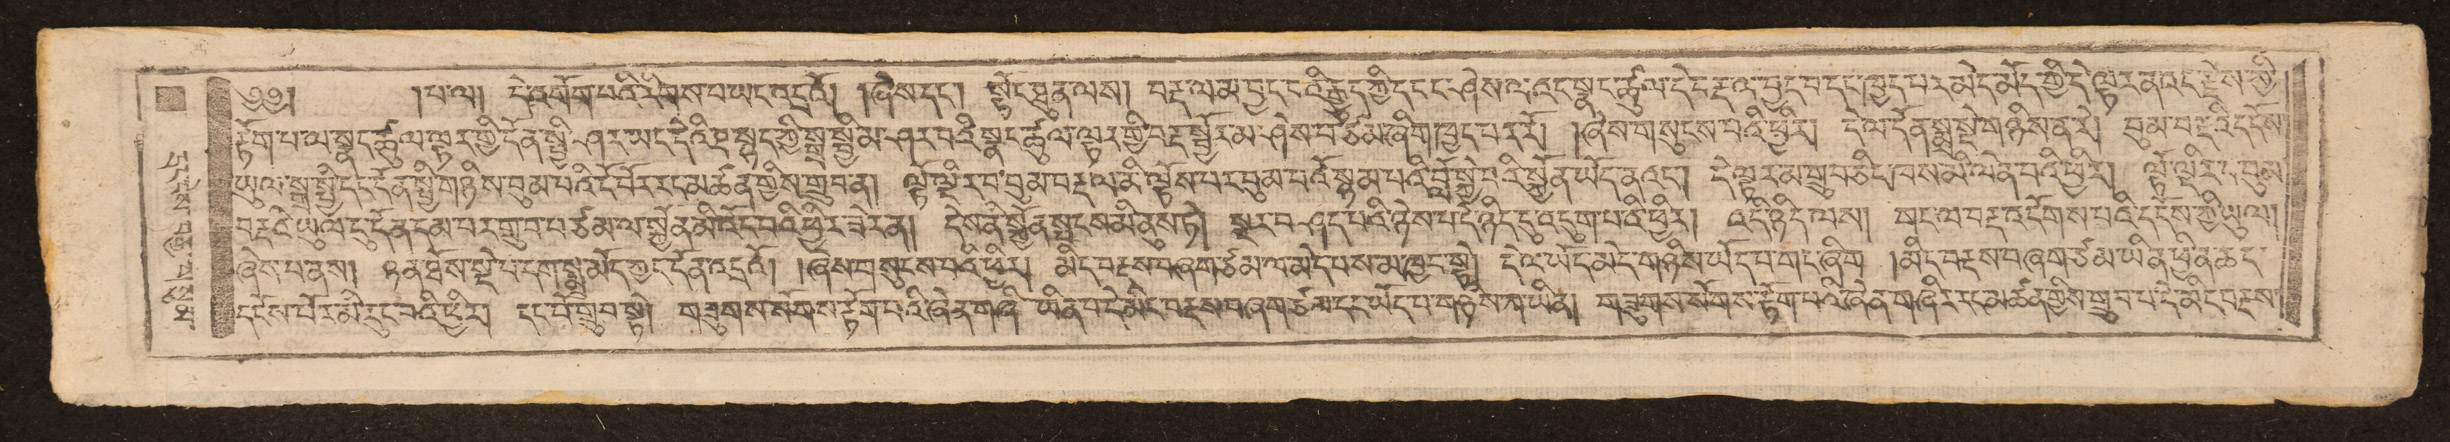༄༅། །པ་ལ། དེ་འགོག་པའི་རིགས་པ་ཡང་འདྲའོ། །ཞེས་དང་། སྟོང་ཐུན་ལས། བརྡ་ལ་མ་བྱང་བའི་རྒྱུད་ཀྱི་དབང་ཤེས་ལའང་སྣང་ཚུལ་དེ་བརྡ་ལ་བྱད་པ་དང་ཁྱད་པར་མེད་མོད་གྱི་དེ་ལྟར་ནའང་རྗེས་ཀྱི་
རྟོག་པ་ལ་སྣང་ཚུལ་ལྟར་གྱི་དོན་སྤྱི་ཤར་ཡང་དེའི་ཐ་སྙད་ཀྱི་སྒྲ་སྤྱི་མ་ཤར་བའི་སྣང་ཚུལ་ལྟར་གྱི་བརྡ་སྦྱོར་མ་ཤེས་པ་ཙམ་ཞིག་ཁྱད་པར་རོ། །ཞེས་གསུངས་པའི་ཕྱིར། དེ་ལ་དོན་སྨྲ་སྡེ་གཉིས་ན་རེ། བུམ་བརྡའི་དངོས་
ཡུལ་སྒྲ་སྤྱི་དང་དོན་སྤྱི་གཉིས་བུམ་པའི་ངོ་བོར་རང་མཚན་གྱིས་གྲུབ་ན། ལྟོ་ལྡིར་བ་བུམ་བརྡ་ལ་མི་ལྟོས་པར་བུམ་པའོ་སྙམ་པའི་བློ་སྐྱེ་བའི་སྐྱོན་ཡོད་ནའང་། དེ་ལྟར་གྲུབ་ཅིང་ཁས་མི་ལེན་པའི་ཕྱིར། ལྟོ་ལྡིར་བ་བུམ་
བརྡའི་ཡུལ་དུ་དོན་དམ་པར་གྲུབ་པ་ཙམ་ལ་སྐྱོན་མི་འོང་བའི་ཕྱིར་ཟེར་ན། དེས་ནི་སྐྱོན་སྤངས་མི་ནུས་ཏེ། སྔར་བཤད་པའི་ཉེས་པ་དེ་ཉིད་དུ་འདུག་པའི་ཕྱིར། འདི་ཉིད་ལས། གང་ལ་བརྡ་འདོགས་པའི་དངོས་ཀྱི་ཡུལ།
ཞེས་པ་ནས། ཉན་ཐོས་སྡེ་པ་དག་སྨྲ་མོད་ཀྱང་དོན་འདྲའོ། །ཞེས་གསུངས་པའི་ཕྱིར། མིང་བརྡས་བཞག་ཙམ་ལ་མེད་པས་མ་ཁྱབ་སྟེ། དེ་ལ་ཡོད་མེད་གཉིས་ཡོད་པ་གང་ཞིག །མིང་བརྡས་བཞག་ཙམ་ཡིན་ཕྱིན་ཆད་
དངོས་པོར་མི་རུང་བའི་ཕྱིར། དང་པོ་གྲུབ་སྟེ། །ཟུགས་སོགས་རྟོག་པའི་ཞེན་གཞི་ཡིན་པ་དེ་མིང་བརྡས་བཞག་ཙམ་དང་ཡོད་པ་གཉིས་ཀ་ཡིན། གཟུགས་སོགས་རྟོག་པའི་ཞེན་གཞིར་རང་མཚན་གྱེས་གྲུབ་པ་དེ་མིང་བརྡས་